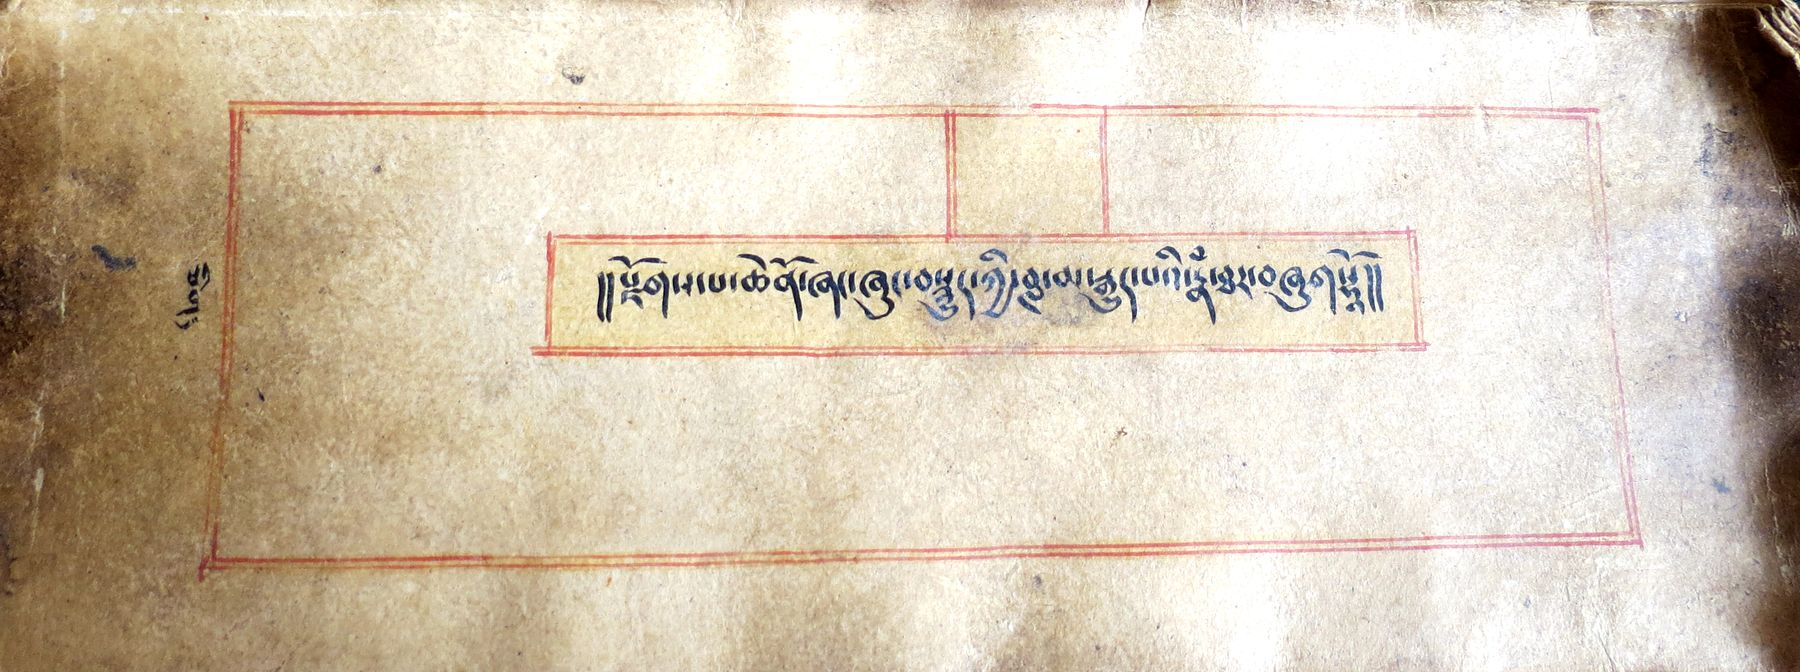རྫོགས་པ་ཆེན་པོ་ཞང་ཞུང་སྙན་བརྒྱུད་ཀྱི་བླ་མ་བརྒྱུད་པའི་རྣམ་ཐར་བཞུགས་སོ། །